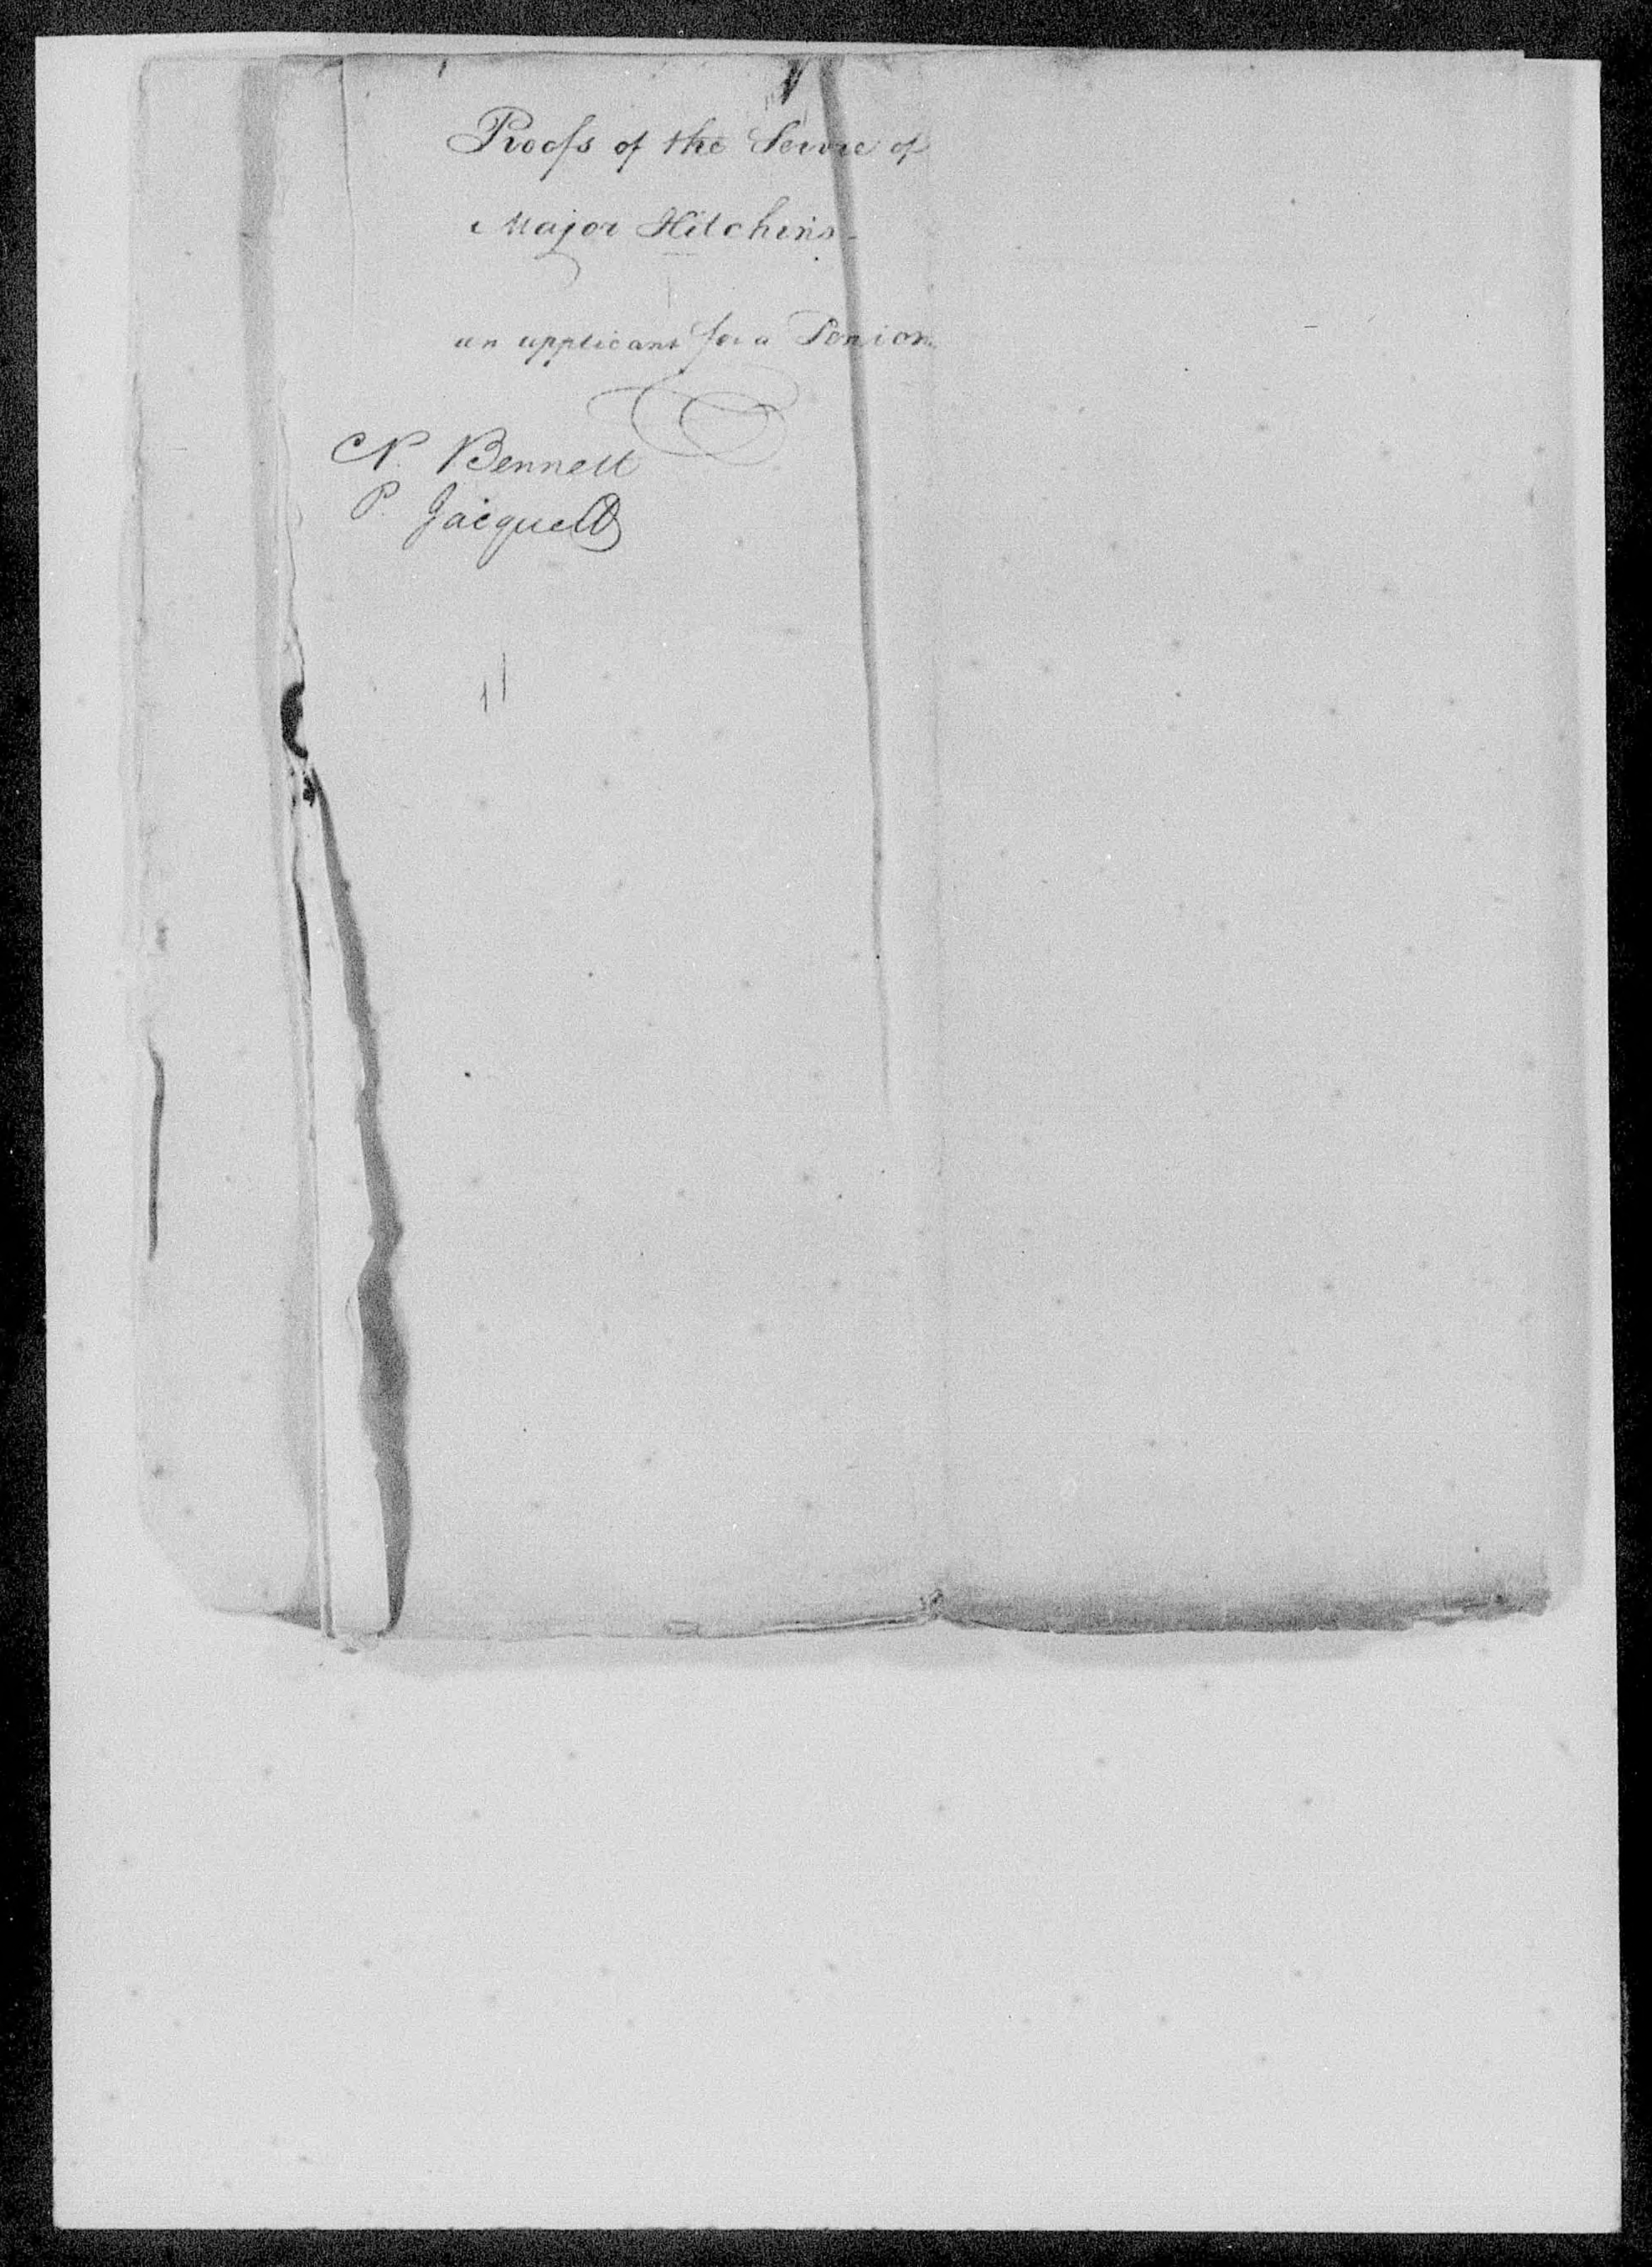Proof to the service of
Major Hitchens
an applicant for a Pension

CP Bennett
P Jacquell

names: Major Hitchens, P Jacquett, C P Bennett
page: 16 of 21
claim: survivor's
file: S. 36017, Major Hitchens, Del.